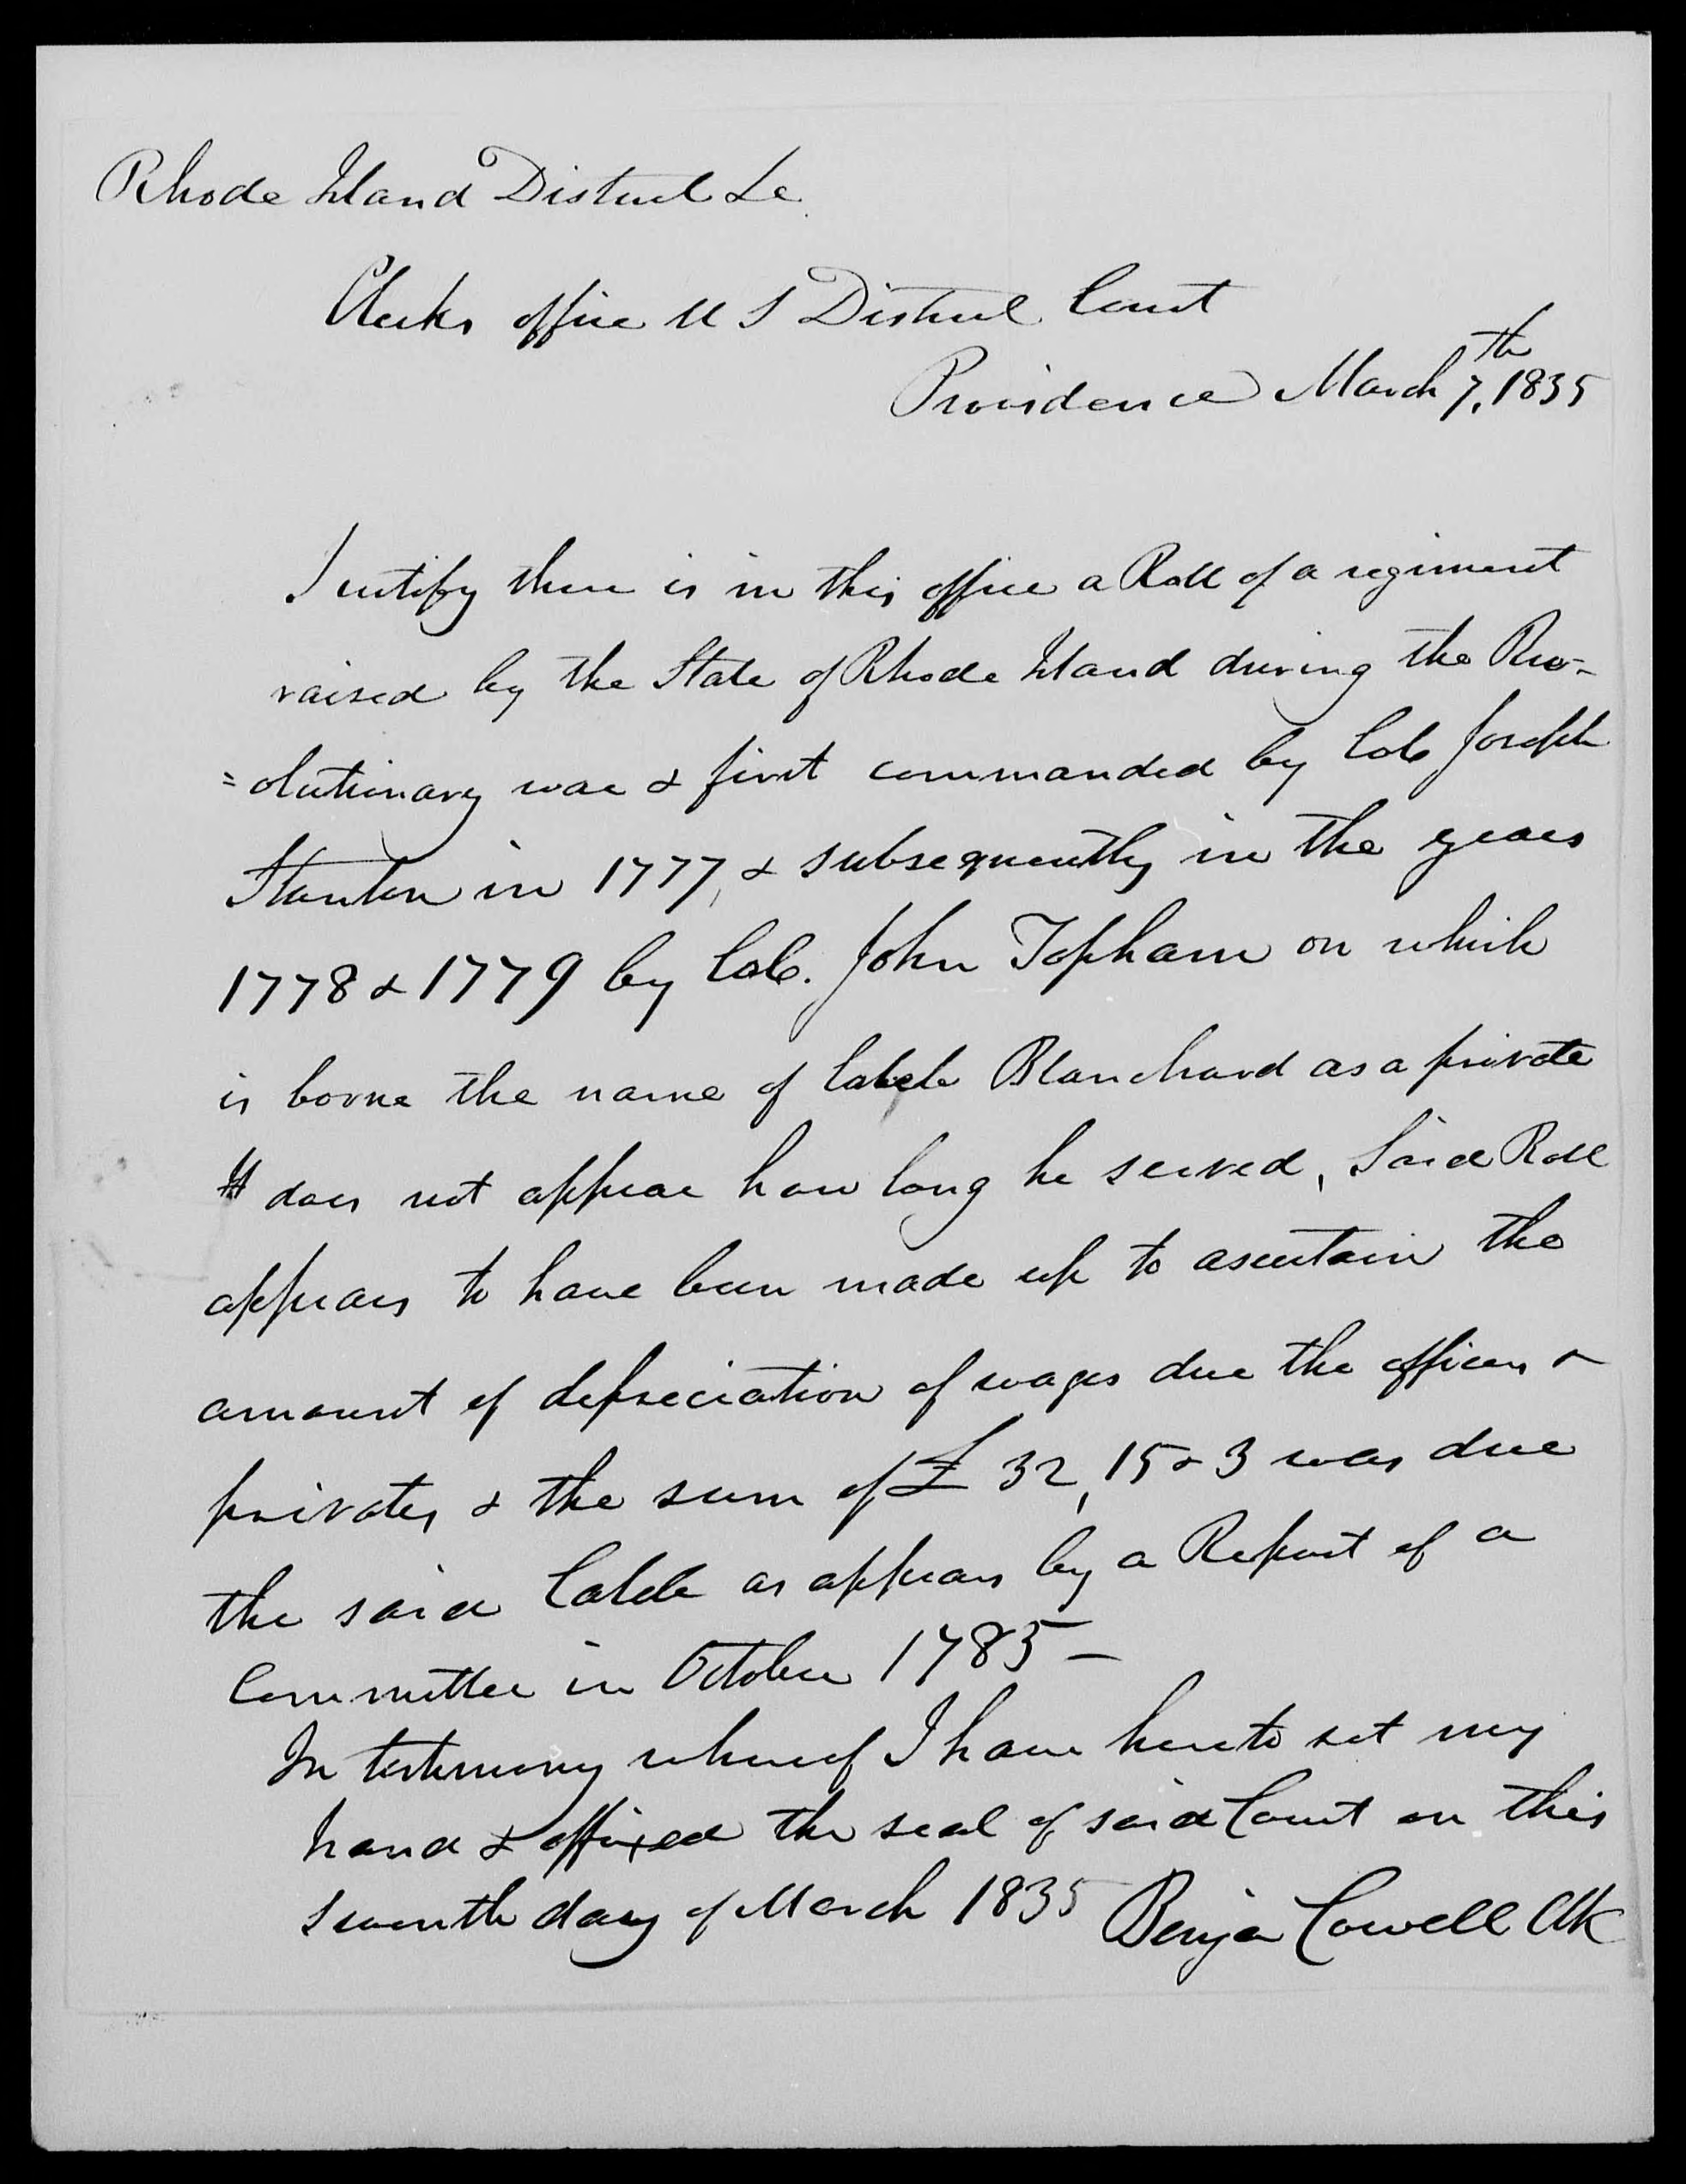Rhode Island District Le.
Clerks office U S District Court
Providence March 7th 1835
I certify there is in this office a roll of a regiment raised by the State of Rhode Isand during the Revolutionary war & first commanded by Col Joseph Stanton in 1777 & subsequently in the years1778 & 1779 by Col John Topham on which is borne the name of Caleb Blanchard as a private does not appear have long he served. Said Roll appears to have been made up to ascertain the amount of depreciation of wages due the officer &
privates & the sum of $32, 15 + 3 was due
the said Caleb as appears by a Report of a
Committee in October 1783
In testimony whereof I have hereto set my
hand & affixed the seal of said Court on this
Seventh day of March 1835 Benja Cowell Clk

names: Caleb, Benja Cowell, Caleb Blanchard, John Topham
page: 13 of 17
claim: survivor's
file: S. 21,645, Caleb Blanchard, R. I.